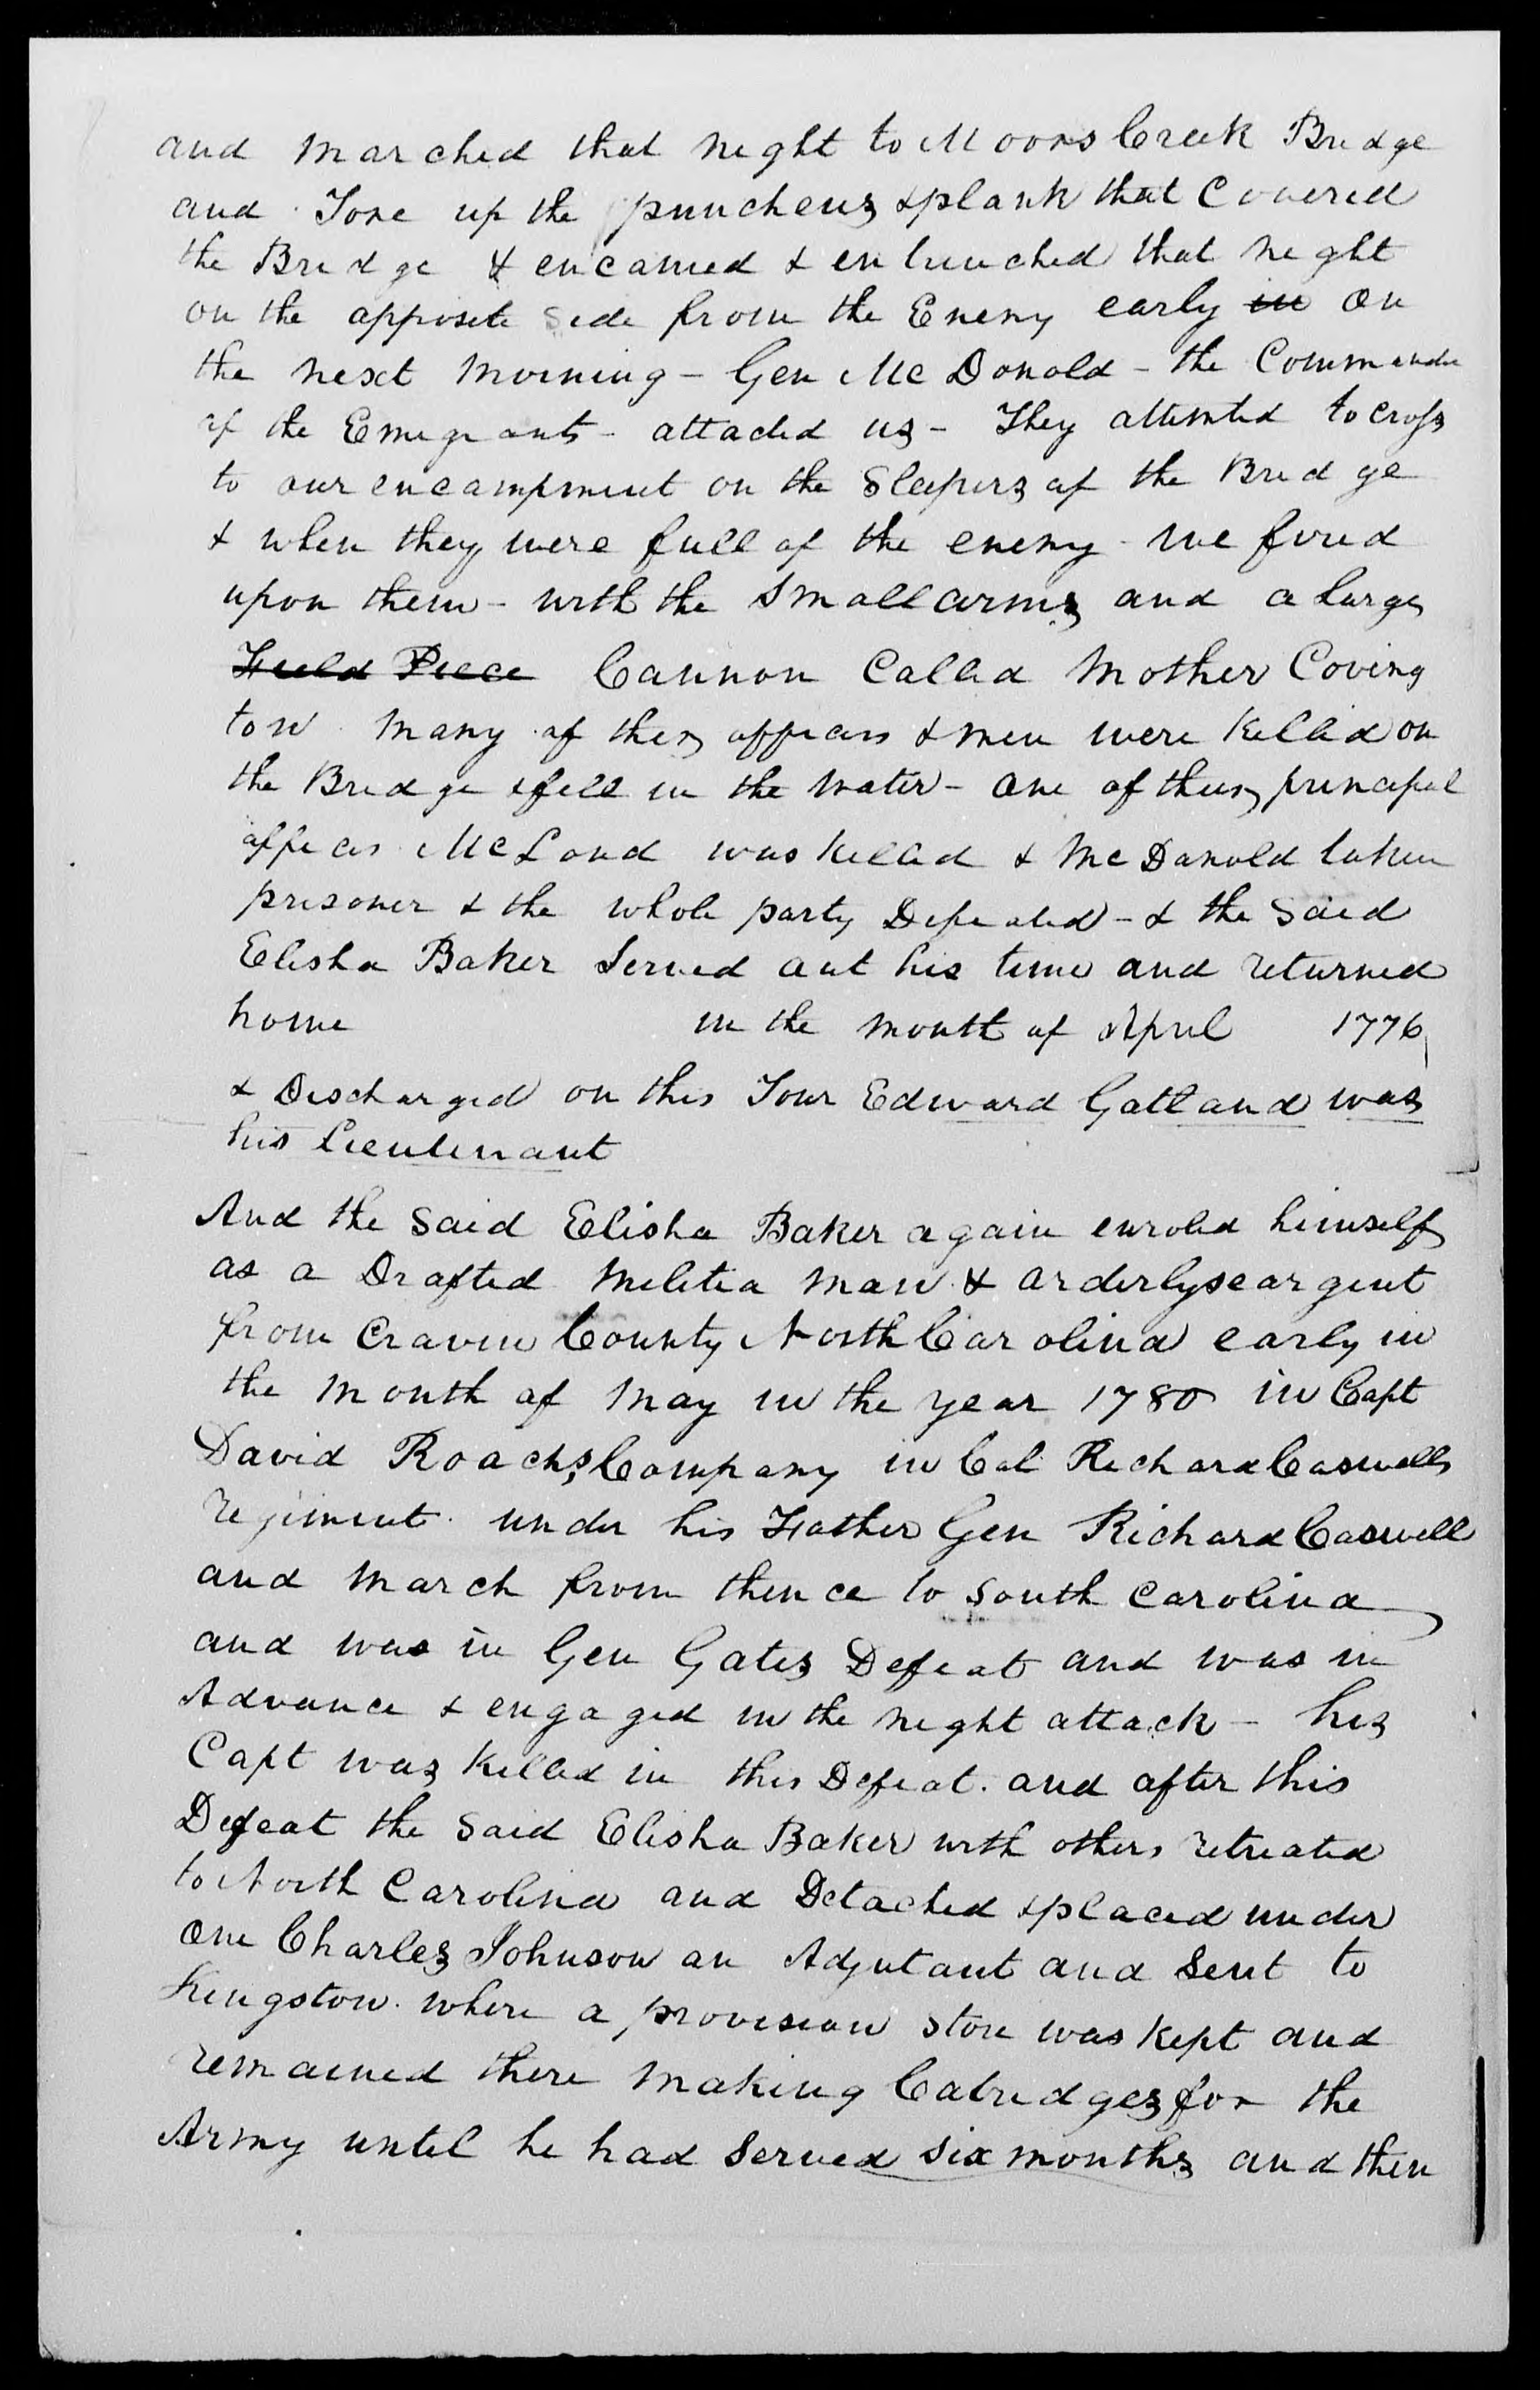and marched that night to Moors Creek Bridge and Tore up the [illegible] plank that covered the Bridge & encam[p]ed & entrenched that night on the opposite side from the Enemy early on the next morning - Gen McDonold - the Commander of the Emigrants - attacked us - They attem[p]ted to cross to our encampment on the Sleepers of the Bridge & when they were full of the enemy we fired upon them - with the small arms and a large ^Field Piece^[ crossed out] Cannon Called Mother Covington  Many of their officers & men were killed on the Bridge & fell in the water - one of their principal officers McLoud was killed & McDonold taken prisoner & the whole party Defeated - & the Said Elisha Baker Served out his time and returned home 
in the month of April 1776 & Discharged on this Tour Edward Gatland was his Lieutenant
And the Said Elisah Baker again enroled himself as a Drafted Militia man & orderlyseargent [sic] from Craven County North Carolina early in the month of may in the year 1780 in Capt David Roach's Company in Col Richard Caswells regiment under his Father Gen Richard Caswell and march from thence to South Carolina and was in Gen Gates Defeat and was in Advance & engaged in the night attack - his Capt was killed in this Defeat and after this Defeat the said Elisha Baker with others retreated to North Carolina and Detached placed under one Charles Johnson and Adjutant and Sent to Kingston where a provision store was kept and remained there making Cartredges for the Army until he had served six months and then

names: Richard Caswell, Gates, Elisha Baker, Richard Caswell, Mc Donald, Elisha Baker, Charles Johnson, Covington, Edward Gatland, Mc Donald, Mc Loud, Elisha Baker, David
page: 3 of 22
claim: rejected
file: R. 411, Elisha Baker, N.C.